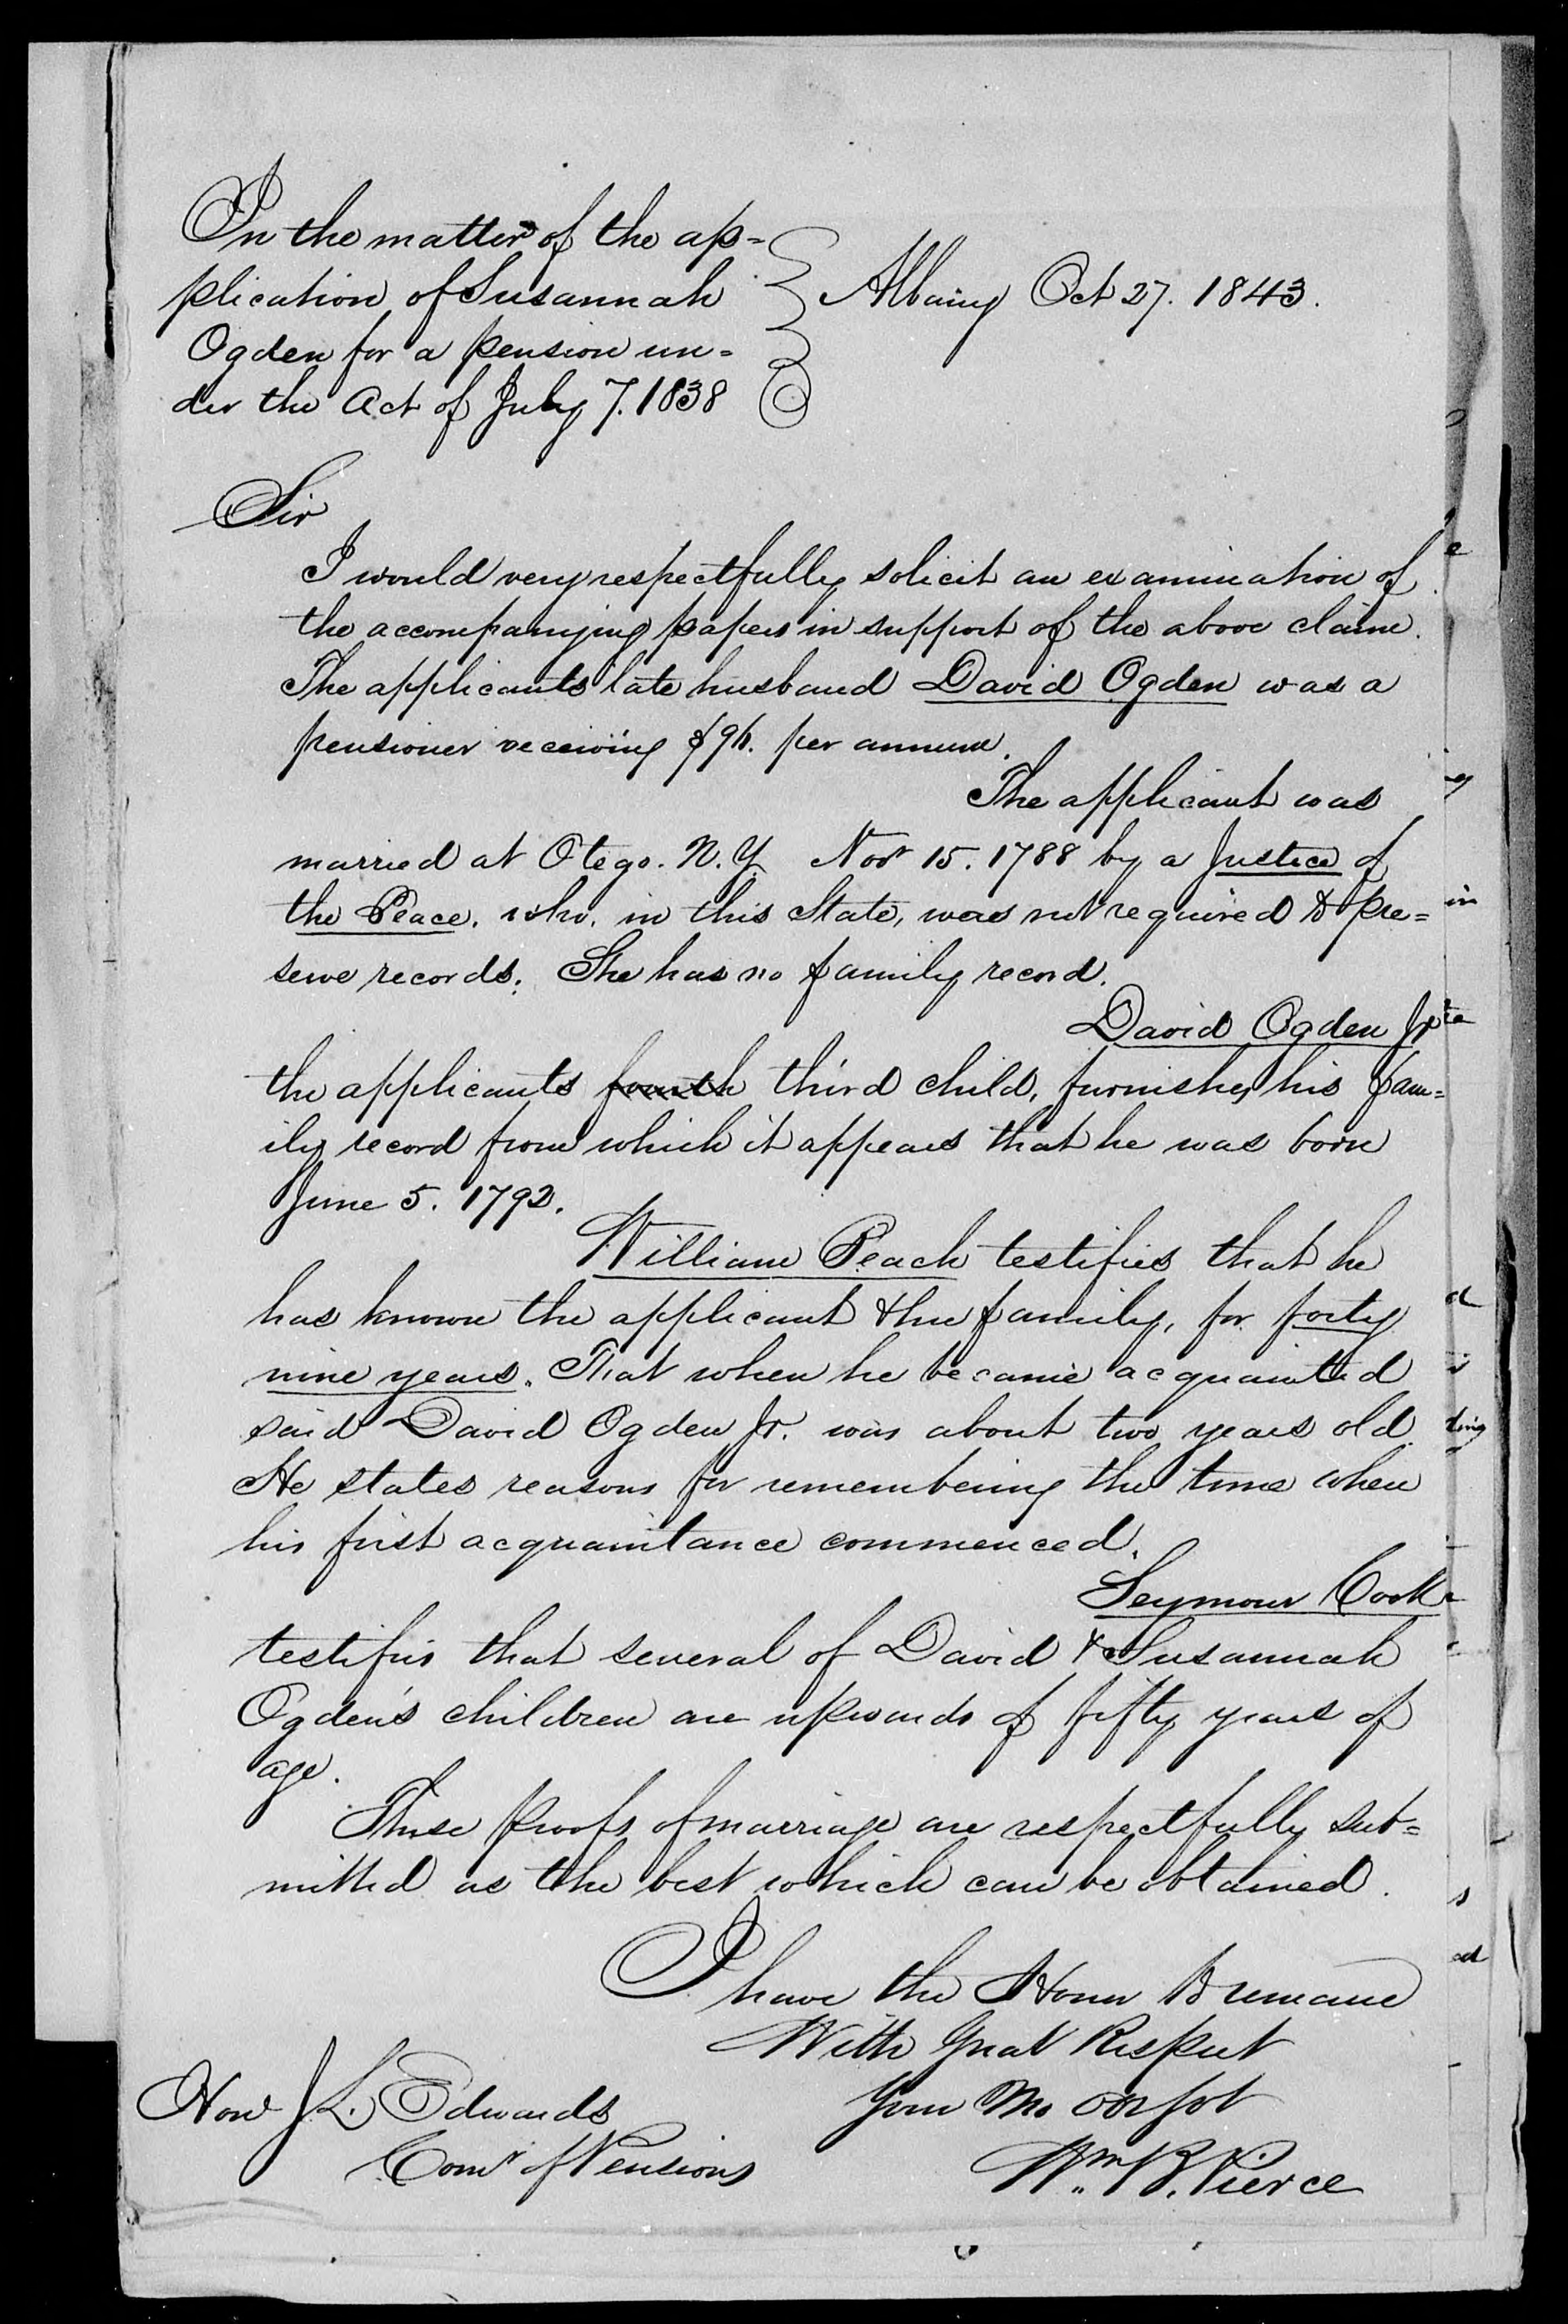In the matter of the}
application of Susannah}
Ogden for a pension under} Albany Oct 27, 1843
the act of July 7. 1838}

Sir
I would very respectfully solicit an examination of 
the accompanying papers in support of the above claim
The applicants late husband [name underlined] David Ogden was a
pensioner receiving $96. per annum.

The applicant was
married at Otego N. Y. Novr 15. 1788 by a [underlined] Justice of
the Peace, who, in this State, was not required to preserve 
records.  She has no family record.

[name underlined] David Ogden Jr
the applicants [crossed out: fourth] third child, furnishes his 
family record from which it appears that he was born
June 5, 1792.

[name underlined] William Peach testifies that he
has known the applicant & his family, for [underlined] forty
nine years.  That when he became acquainted
said David Ogden Jr. was about two years old.
He states reasons for remembering the time when
his first acquaintance commenced.

[name underlined] Seymour Cook
testifies that several of David & Susannah
Ogden's children are upwards of fifty years of
age.

These proofs of marriage are respectfully 
submitted as the best which can be obtained. 

I have the Honor [illegible]
With Great Respect
Your M. [illegible]
Wm B. Pierce

Honl J. L. Edwards
Comr of Pensions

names: J L Edwards; Wm B Pierce; Seymour Cook; Susannah Ogden; William Beach; David Ogden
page: 5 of 40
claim: widow's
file: W. 24364, for David Ogden, New York